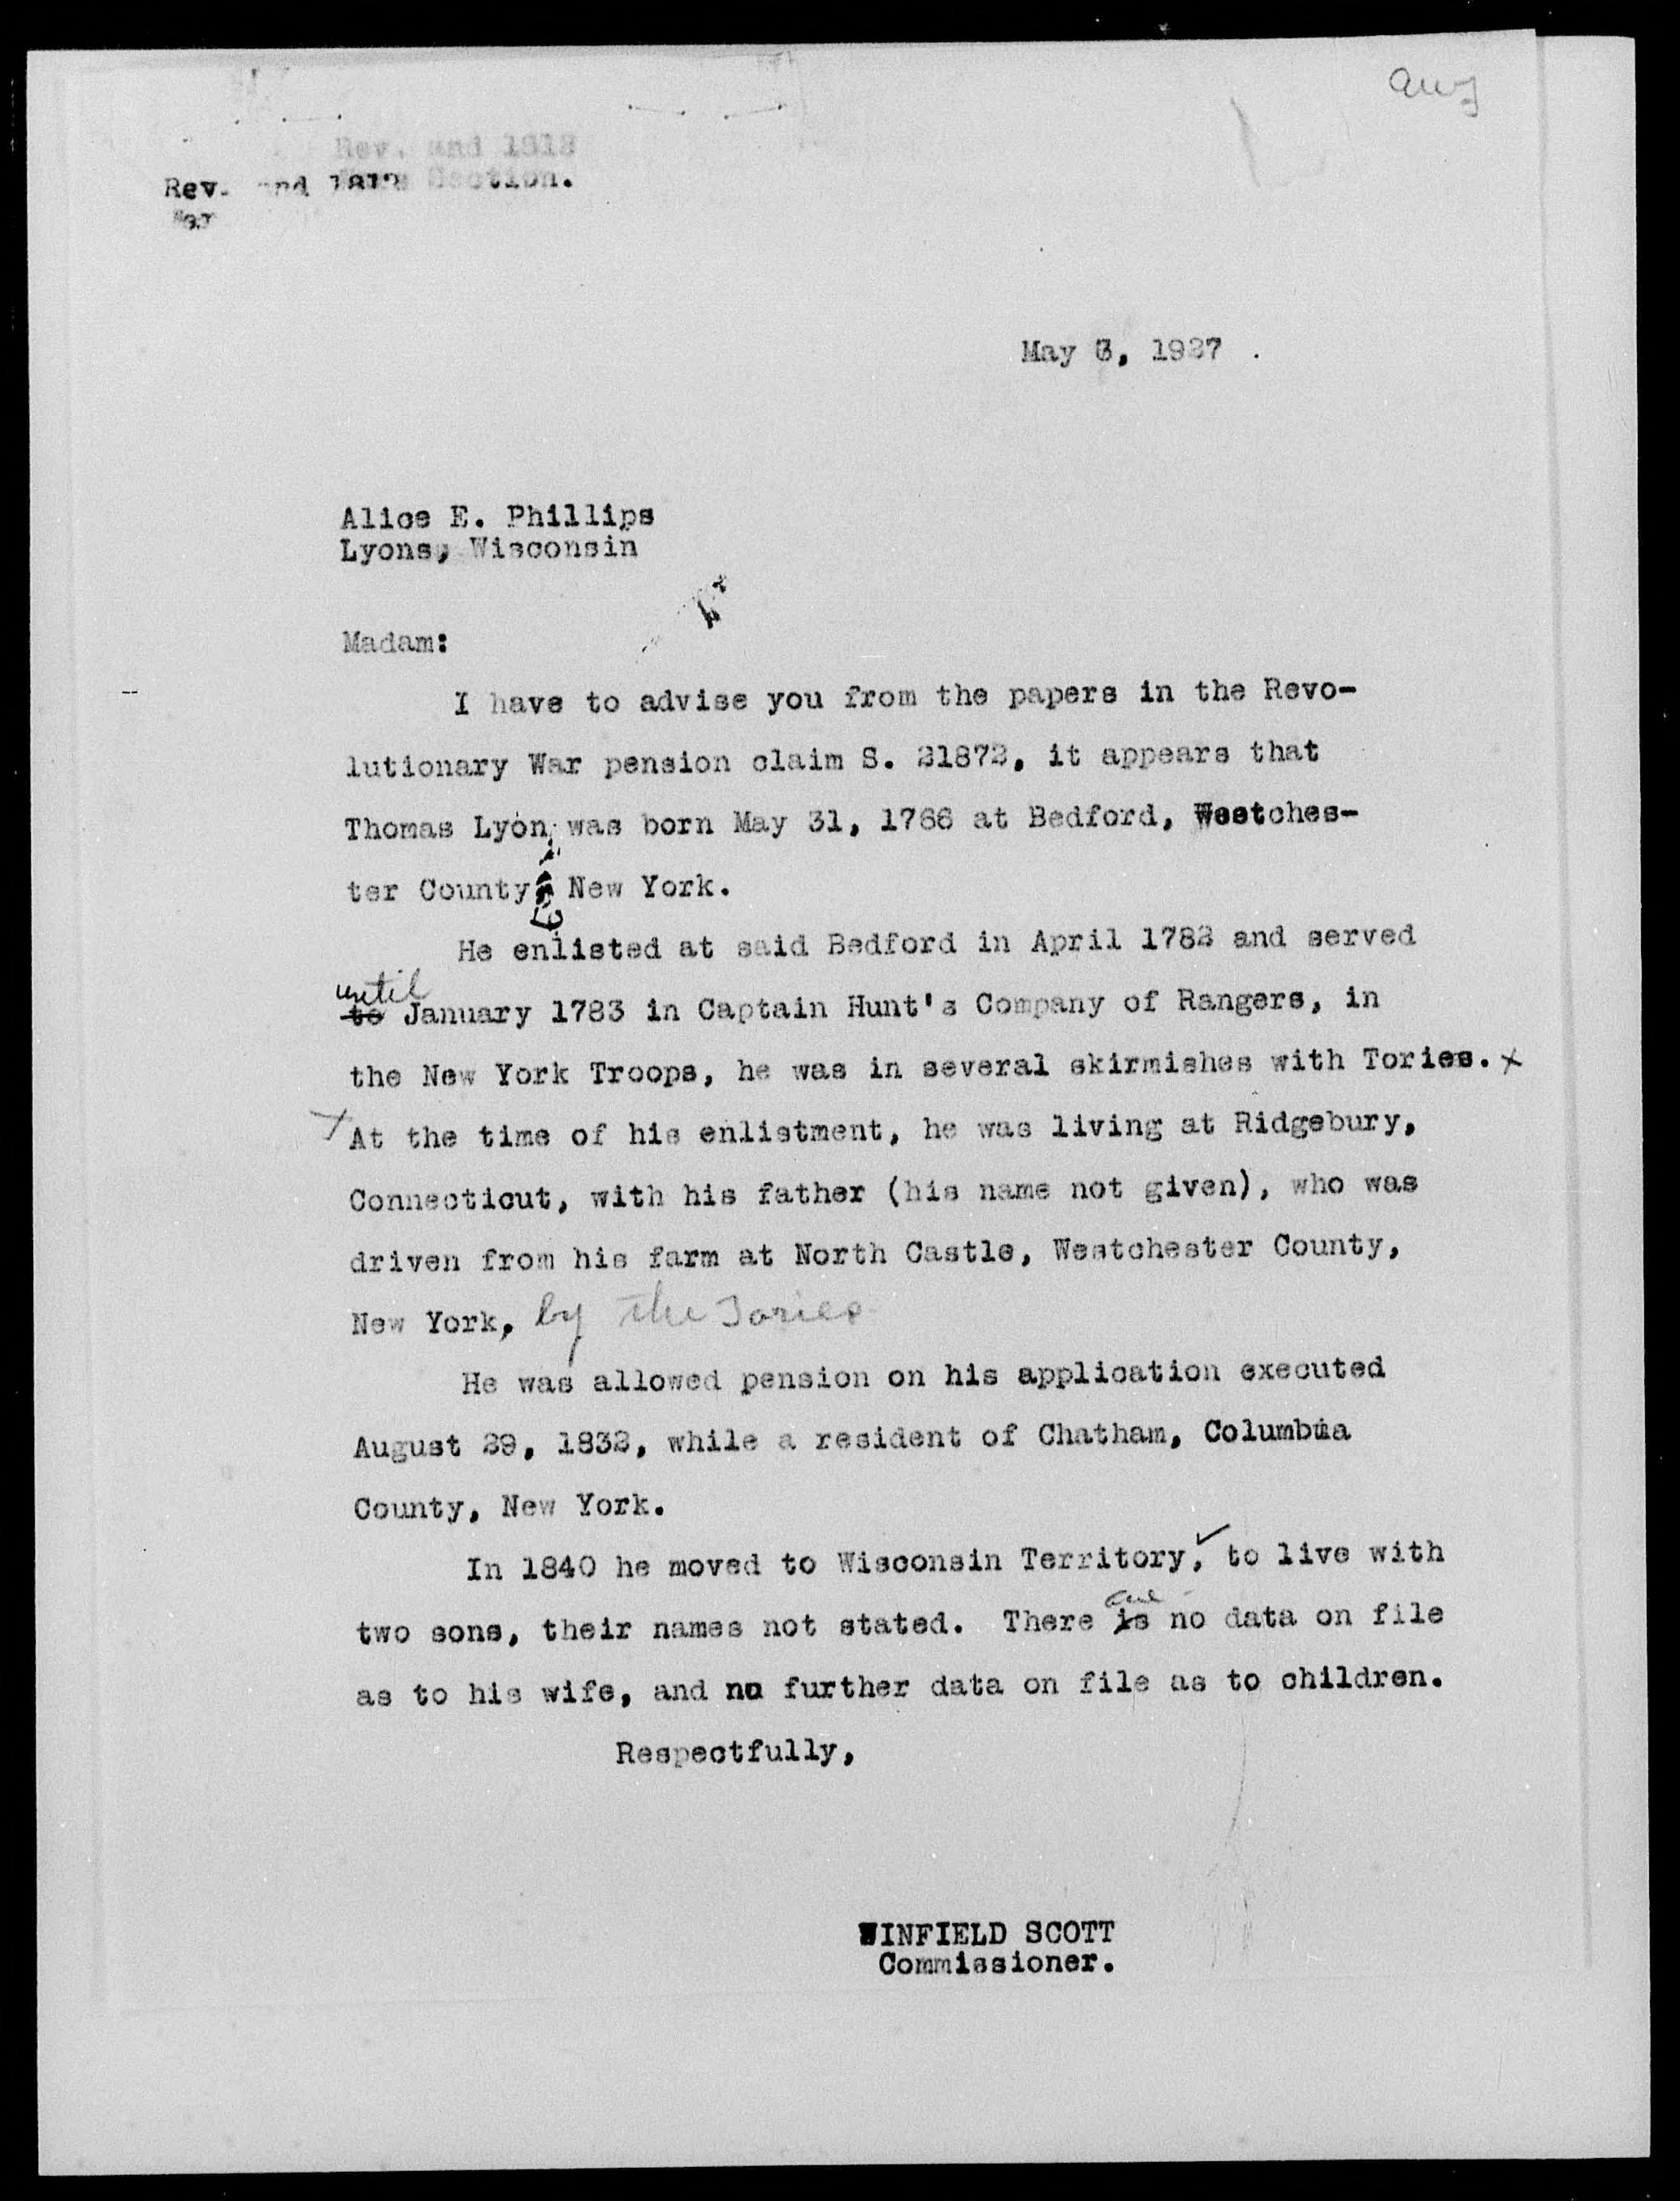Rev. and 1812
Rev. and 1812 Section.

May 3, 1927

Alice E. Phillips
Lyons, Wisconsin

Madam:
I have to advise you from the papers in the Revolutionary War pension claim S. 21872, it appears that Thomas Lyon, was born May 31, 1766 at Bedford, Westchester County, New York.
He enlisted at said Bedford in April 1782 and served until January 1783 in Captain Hunt's Company of Rangers, in the New York Troops, he was in several skirmishes with Tories. At the time of his enlistment, he was living at Ridgebury, Connecticut, with his father (his name not given), who was driven from his farm at North Castle, Westchester County, New York by the Tories.
He was allowed pension on his application executed August 29, 1832, while a resident of Chatham, Columbia County, New York.
In 1840 he moved to Wisconsin Territory, to live with two sons, their names not stated. There are no data on file as to his wife, and no further data on file as to children.
Respectfully,

WINFIELD SCOTT
Commissioner.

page: 8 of 28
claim: survivor's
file: S. 21,872, for Thomas Lyon, New York